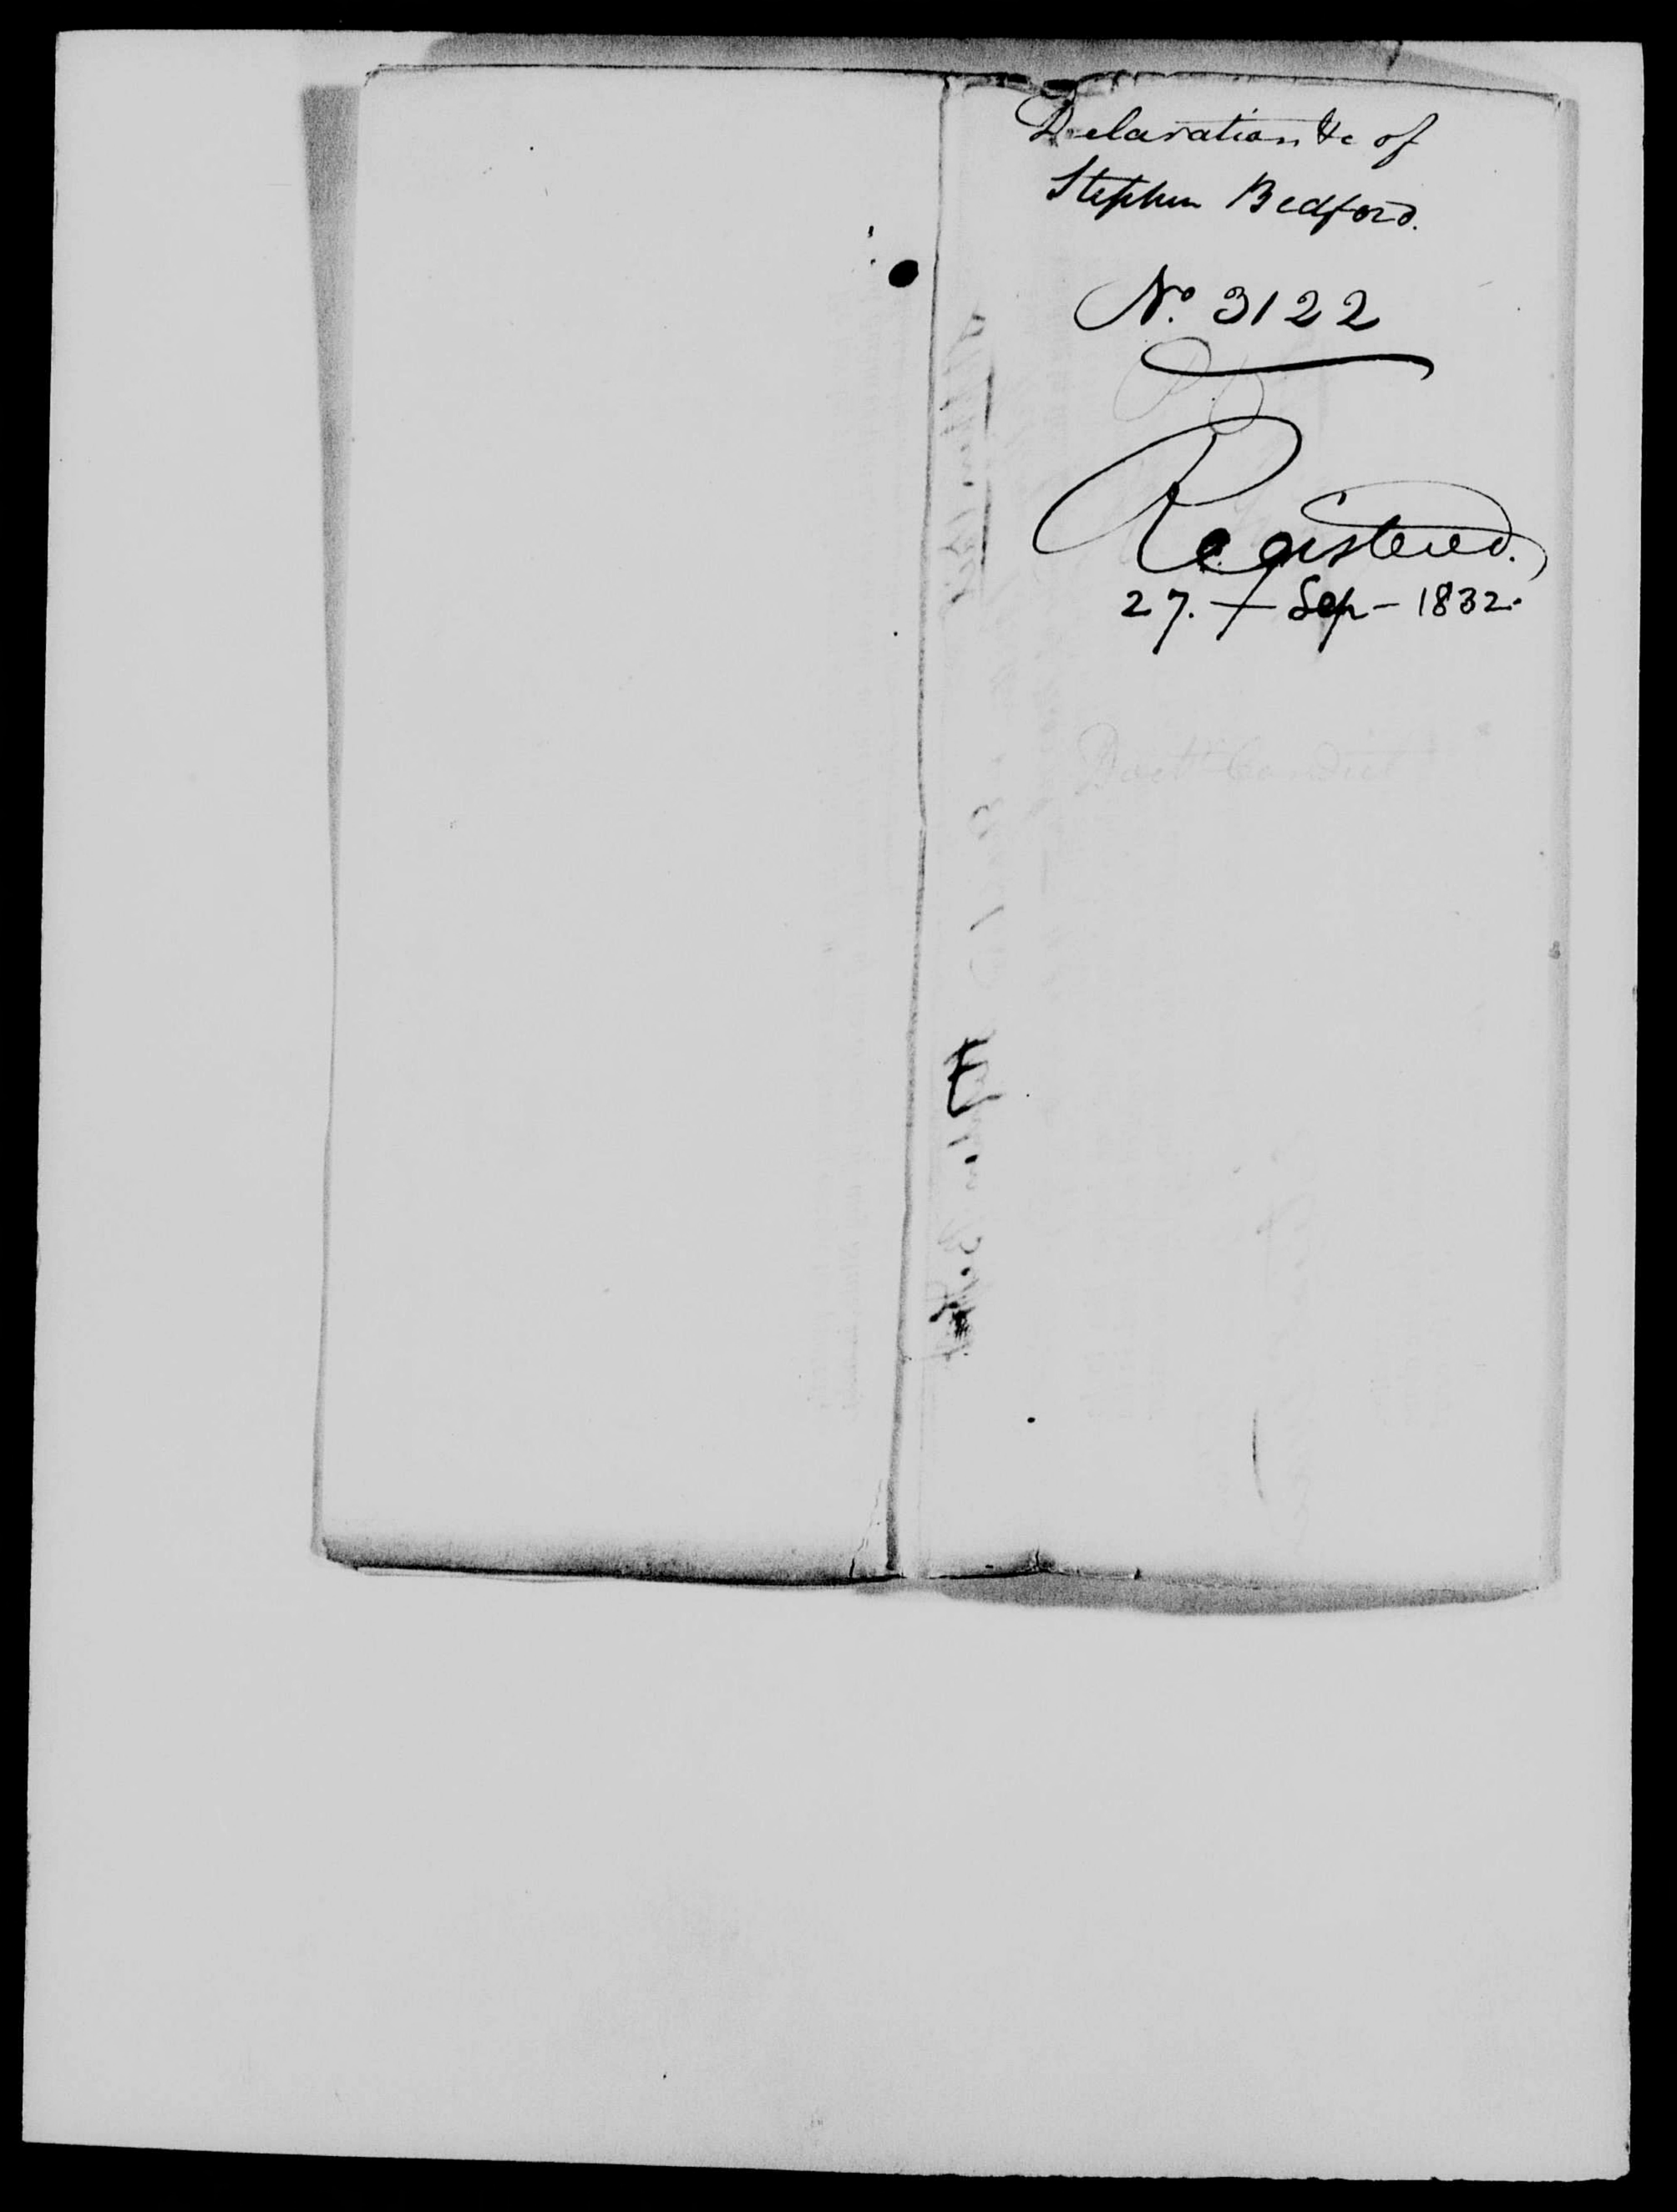Declaration &c of
Stephen Bedford
No. 3122
Registered
27 Sep 1832.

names: Stephen Bedford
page: 3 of 31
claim: survivor's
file: S. 2372, Stephen Bedford, New Jersey